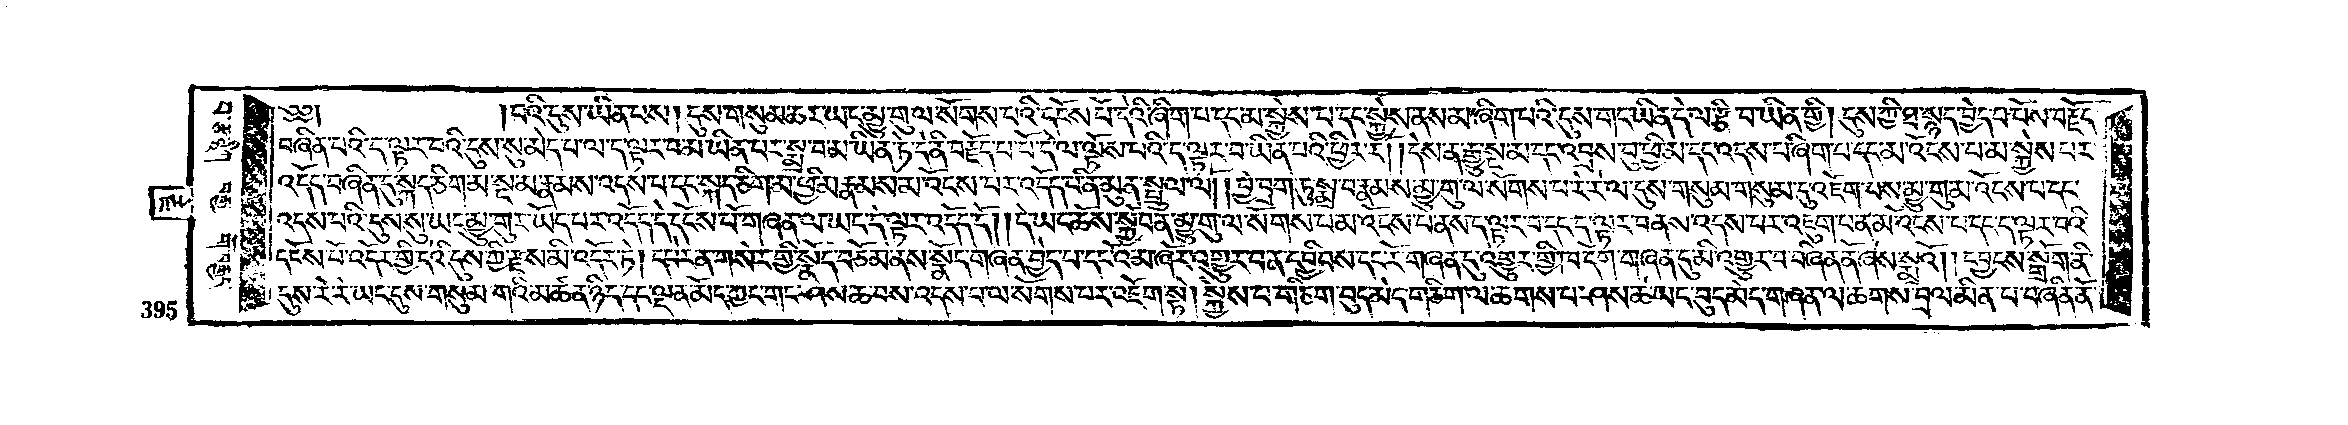༄༅། །བའི་དུས་ཡིན་པས། དུས་གསུམ་ཆར་ཡང་མྱུ་གུ་ལ་སོགས་པའི་དངོས་པོ་དེའི་ཞིག་པ་དང་མ་སྐྱེས་པ་དང་སྐྱེས་ནས་མ་ཞིག་པའི་དུས་གང་ཡིན་དེ་ལ་རྩི་བ་ཡིན་གྱི། དུས་ཀྱི་ཐ་སྙད་བྱེད་པ་པོས་བརྗོད་
བཞིན་པའི་ད་ལྟར་བའི་དུས་སུ་མེད་པ་ལ་ད་ལྟར་བ་མ་ཡིན་པར་སྨྲ་བ་མ་ཡིན་ཏེ་དེ་ནི་བརྗོད་པ་པོ་དེ་ལ་ལྟོས་པའི་ད་ལྟར་བ་ཡིན་པའི་ཕྱིར་རོ། །དེས་ན་རྒྱུ་སྔ་མ་དང་འབྲས་བུ་ཕྱི་མ་དང་འདས་པ་ཞིག་པ་དང་མ་འོངས་པ་མ་སྐྱེས་པར་
འདོད་བཞིན་དུ་སྐད་ཅིག་མ་སྔ་མ་རྣམས་འདས་པ་དང་སྐད་ཅིག་མ་ཕྱི་མ་རྣམས་མ་འོངས་པར་འདོད་པ་ནི་མུན་སྤྲུལ་ལོ། །བྱེ་བྲག་ཏུ་སྨྲ་བ་རྣམས་མྱུ་གུ་ལ་སོགས་པ་རེ་རེ་ལ་དུས་གསུམ་གསུམ་དུ་འཇོག་པས་མྱུ་གུ་མ་འོངས་པ་དང་
འདས་པའི་དུས་སུ་ཡང་མྱུ་གུར་ཡོད་པར་འདོད་དེ་དངོས་པོ་གཞན་ལ་ཡང་དེ་ལྟར་འདོད་དོ། །དེ་ཡང་ཆོས་སྐྱོབ་ནི་མྱུ་གུ་ལ་སོགས་པ་མ་འོངས་པ་ནས་ད་ལྟར་བ་དང་ད་ལྟར་བ་ནས་འདས་པར་འཇུག་པ་ན་མ་འོངས་པ་དང་ད་ལྟར་བའི་
དངོས་པོ་འདོར་གྱི་དེའི་དུས་ཀྱི་རྫས་མི་འདོར་ཏེ། དཔེར་ན་གསེར་གྱི་སྣོད་བཅོམ་ནས་སྣོད་གཞན་བྱེད་པ་དང་འོ་མ་ཞོར་འགྱུར་བ་ན་དབྱིབས་དང་རོ་གཞན་དུ་འགྱུར་གྱི་ཁ་དོག་གཞན་དུ་མི་འགྱུར་བ་བཞིན་ནོ་ཞེས་སྨྲའོ། །དབྱངས་སྒྲོག་ནི་
དུས་རེ་རེ་ཡང་དུས་གསུམ་གའི་མཚན་ཉིད་དང་ལྡན་མོད་ཀྱང་གང་ཤས་ཆེ་བས་འདས་པ་ལ་སོགས་པར་འཇོག་སྟེ། སྐྱེས་པ་གཅིག་བུད་མེད་གཅིག་ལ་ཆགས་པ་ཤས་ཆེ་ཡང་བུད་མེད་གཞན་ལ་ཆགས་བྲལ་མིན་པ་བཞིན་ནོ་